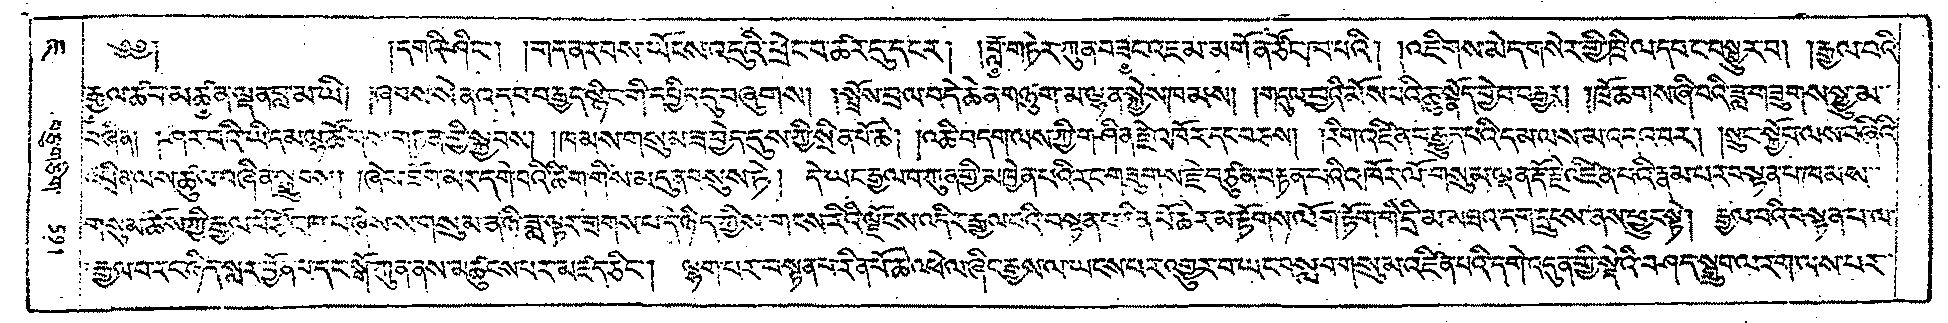༄༅། །དགའི་ཤིང་། །གདན་རབས་ཡོངས་འདུའི་ཕྲེང་བ་ཚར་དུ་དངར། །བློ྾་གཏེར་ཀུན་བཟང྾་འཇམ་མགོན་ཙོང་ཁ་པའི། །འཇིགས་མེད་གསེར་གྱི་ཁྲི་ལ་དབང་བསྒྱུར་བ། །རྒྱལ་བའི་
རྒྱལ྾་ཚབ་མཚན྾་ལྡན་བླ་མ་ཡི། །ཞབས་སེན་འདབ་བརྒྱད་སྙིང་གི་དཔྱིད་དུ་བཞུགས། །སྤྲོས་བྲལ་བདེ་ཆེན་གཉུག་མ་ལྷན་སྐྱེས་ཁམས། །གདུལ་བྱའི་མོས་པའི་ཆུ་སྣོད་བྱེ་བ་བརྒྱར། །ཁྲོ་ཆགས་ཞི་བའི་ཟླ་གཟུགས་སྒྱུ་མ་
བཞིན། །ཤར་བའི་ཡི་དམ་ལྷ་ཚོགས་གཏན་གྱི་སྐྱབས། །ཁམས་གསུམ་ཟ་བྱེད་དུས་ཀྱི་སྲིན་པོ་ཆེ། །འཆི་བདག་ལས་ཀྱི་གཤིན་རྗེ་འཁོར་དང་བཅས། །རིག་འཛིན་བརྒྱུད་པའི་དམ་ལས་མ་འདའ་བར། །སྲུང་སྐྱོབ་ལས་བཞིའི་
འཕྲིན་ལས་ཚུལ་བཞིན་སྒྲུབས། །ཞེས་ཐོག་མར་དགེ་བའི་ཚིག་གིས་མདུན་བསུས་ཏེ། དེ་ཡང་རྒྱལ་བ་ཀུན་གྱི་མཁྱེན་པའི་རང་གཟུགས་རྗེ་བཙུན་བརྟན་པའི་འཁོར་ལོ་གསུམ་ལྡན་རྡོ་རྗེ་འཛིན་པའི་རྣམ་པར་བསྟན་པ་ཁམས་
གསུམ་ཆོས་ཀྱི་རྒྱལ་པོ་ཙོང་ཁ་པ་ཞེས་ས་གསུམ་ན་ཉི་ཟླ་ལྟར་གྲགས་པ་དེ་ཉིད་ཀྱིས་གངས་རིའི་ལྗོངས་འདིར་རྒྱལ་བའི་བསྟན་པ་རིན་པོ་ཆེར་མ་རྟོགས་ལོག་རྟོག་གི་དྲི་མ་མཐའ་དག་དྲུངས་ནས་ཕྱུང་སྟེ། རྒྱལ་བའི་བསྟན་པ་ལ་
༧རྒྱལ་བ་རང་ཉིད་སླར་བྱོན་པ་དང་སྒོ་ཀུན་ནས་མཚུངས་པར་མཛད་ཅིང་། ལྷག་པར་བསྟན་པ་རིན་པོ་ཆེ་འཕེལ་ཞིང་རྒྱས་ལ་ཡངས་པར་འགྱུར་བ་ཡང་བསླབ་གསུམ་འཛིན་པའི་དགེ་འདུན་གྱི་སྡེའི་བཤད་སྒྲུབ་ལ་རག་ལས་པར་